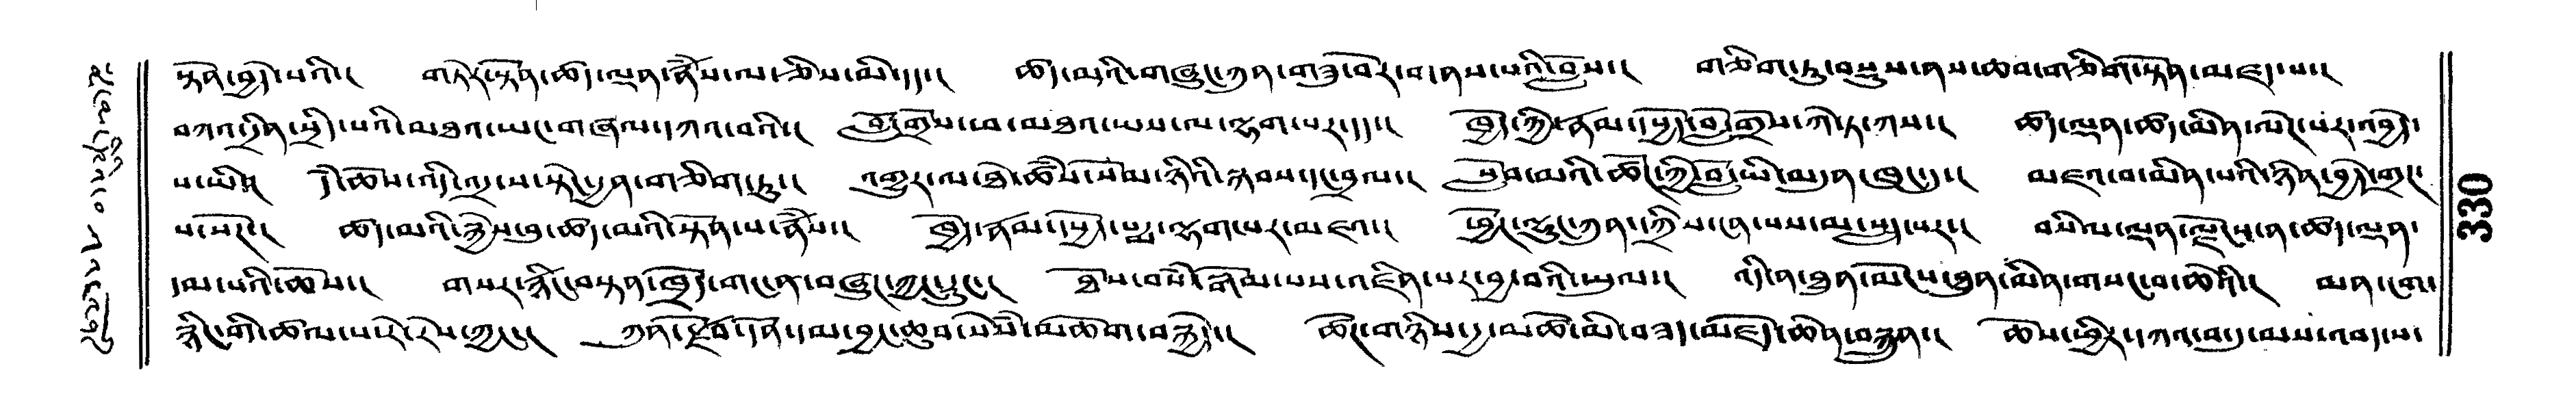སྟོན་བྱེད་པའི། །གཏེར་སྟོན་ཚད་ལྡན་རྣམས་ལ་ཅིས་མི་དད། །ཚད་མའི་གཞུང་ཀུན་གཟུ་བོར་གནས་པའི་བློས། །གཅིག་ཏུ་བསྡུས་ནས་ཆབས་གཅིག་སྟོན་མཛད་པ། །
བཀའ་དྲིན་སྲིད་པའི་མཐའ་ཡང་གཞལ་དཀའ་བའི། །བློ་གྲོས་ཕ་མཐར་ཡས་ལ་ལྷག་པར་དད། །ཁྱེད་ཀྱི་རྣམ་དཔྱོད་བློ་གྲོས་ཀེ་ཏ་ཀས། །ཚད་ལྡན་ཚད་མིན་ལེགས་པར་འབྱེད་
པ་ཡིན། །དམ་ཆོས་འདི་འདྲ་ས་སྟེང་རྒྱན་གཅིག་ཏུ། །འགྱུར་ལ་ཐེ་ཚོམ་སོམ་ཉིའི་སྐབས་དང་བྲལ། །སློབ་མའི་ཚོགས་ཀྱི་བློ་ཡི་མུན་ཁུང་དུ། །མཛའ་བ་མིན་པའི་ཉིན་བྱེད་གྲགས་
པ་སོགས། །ཚད་མའི་སྐྱེས་བུ་ཚད་མའི་སྟོན་པ་རྣམས། །ཁྱེད་ཀྱི་རྣམ་དཔྱོད་པདྨ་ལྷག་པར་མཛའ། །ཕྱོགས་ལྷུང་ཀུན་དཀྲིས་ངན་པས་མ་བསླད་པར། །བསིལ་ལྡན་ལྗོངས་ན་ཚད་ལྡན་
དམ་པའི་ཆོས། །གསར་རྙིང་བསྟན་ཁྲོད་གང་ན་བཞུགས་ཀྱང་རུང་། །ཐོས་བསམ་སྒོམ་པས་འཛིན་པར་བྱ་བའི་ཡུལ། །འདི་ན་ཐུན་མོང་ཐུན་མིན་གསང་བ་ཆེའི། །མན་ངག་
སྙིང་གི་ཚལ་པ་རེ་རེས་ཀྱང་། །ཀུན་རྫོབ་དོན་དམ་བྱང་ཆུབ་སེམས་མཆོག་བསྐྱེད། །ཚོགས་གཉིས་རྒྱ་མཚོ་མི་ཟད་མཛོད་ཆེན་བསྐྲུན། །ཆོས་ཕྱིར་དཀའ་བ་དུ་མས་འབད་པ་